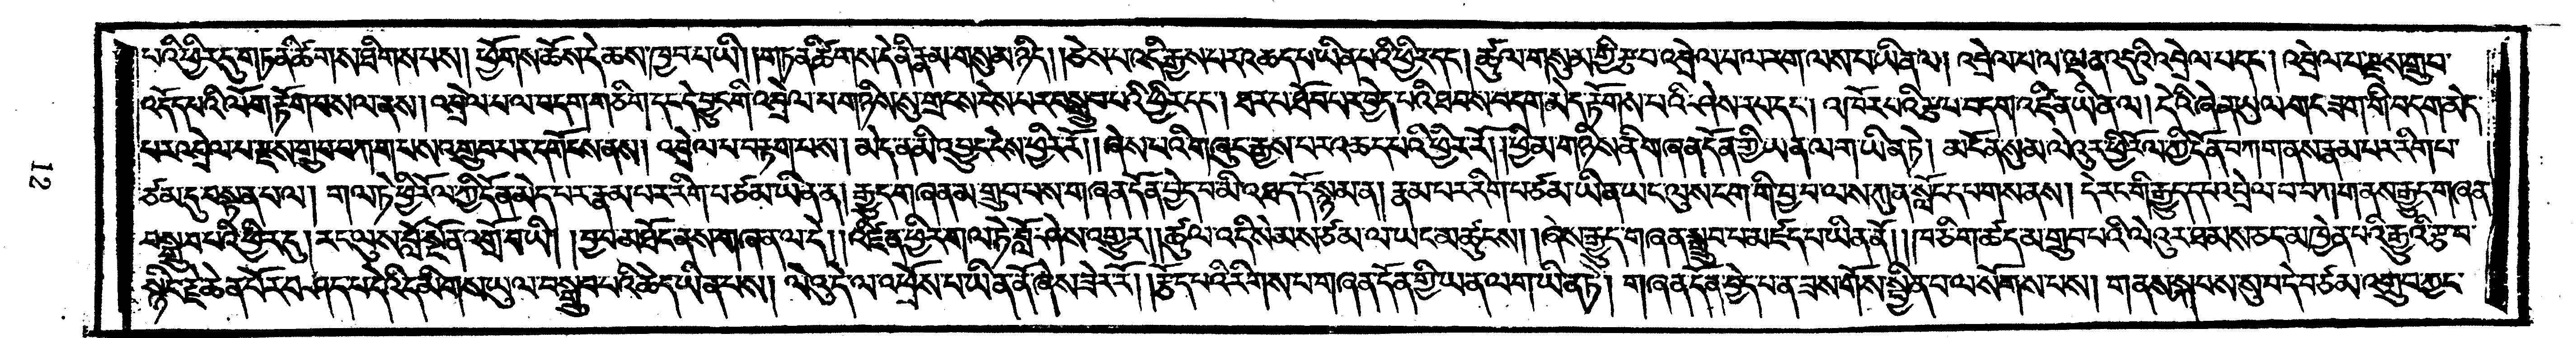པའི་ཕྱིར་དུ་གཏན་ཚིགས་ཐིགས་པས། ཕྱོགས་ཆོས་དེ་ཆོས་ཁྱབ་པ་ཡི། །གཏན་ཚིགས་དེ་ནི་རྣམ་གསུམ་ཉིད། །ཅེས་པ་འདི་རྒྱས་པར་འཆད་པ་ཡིན་པའི་ཕྱིར་དང་། ཚུལ་གསུམ་གྱི་རྩ་བ་འབྲེལ་པ་ལ་རག་ལས་པ་ཡིན་ལ། འབྲེལ་པ་ལ་ལྡན་འདུའི་འབྲེལ་པ་དང་། འབྲེལ་པ་རྫས་གྲུབ་
འདོད་པའི་ལོག་རྟོག་བསལ་ནས། འབྲེལ་པ་ལ་བདག་གཅིག་དང་དེ་བྱུང་གི་འབྲེལ་པ་གཉིས་སུ་གྲངས་ངེས་པར་བསྒྲུབ་པའི་ཕྱིར་དང་། ཐར་པ་ཐོབ་པར་བྱེད་པའི་ཐབས་བདག་མེད་རྟོགས་པའི་ཤེས་རབ་དང་། འཁོར་བའི་རྩ་བ་བདག་འཛིན་ཡིན་ལ། དེའི་ཞེན་ཡུལ་གང་ཟག་གི་བདག་མེད་
པར་འབྲེལ་པ་རྫས་གྲུབ་བཀག་པས་འགྲུབ་པར་དགོངས་ནས། འབྲེལ་པ་བརྟག་པས། མེད་ན་མི་འབྱུང་ངེས་ཕྱིར་རོ། །ཞེས་པའི་གཞུང་རྒྱས་པར་འཆད་པའི་ཕྱིར་རོ། །ཕྱི་མ་གཉིས་ནི་གཞན་དོན་གྱི་ཡན་ལག་ཡིན་ཏེ། མངོན་སུམ་ལེའུར་ཕྱི་རོལ་ཀྱི་དོན་བཀག་ནས་རྣམ་པར་རིག་པ་
ཙམ་དུ་བསྟན་པ་ལ། གལ་ཏེ་ཕྱི་རོལ་ཀྱི་དོན་མེད་པར་རྣམ་པར་རིག་པ་ཙམ་ཡིན་ན། རྒྱུད་གཞན་མ་གྲུབ་པས་གཞན་དོན་བྱེད་པ་མི་འཐད་དོ་སྙམ་ན། རྣམ་པར་རིག་པ་ཙམ་ཡིན་ཡང་ལུས་ངག་གི་བྱ་བ་ལས་ཀུན་སློང་དཔགས་ནས། དེ་རང་གི་རྒྱུད་དང་འབྲེལ་པ་བཀག་ནས་རྒྱུད་གཞན་
བསྒྲུབ་པའི་ཕྱིར་དུ། རང་ལུས་བློ་སྔོན་འགྲོ་བ་ཡི། །བྱ་བ་མཐོང་ནས་གཞན་ལ་དེ། །འཛིན་ཕྱིར་གལ་ཏེ་བློ་ཤེས་འགྱུར། །ཚུལ་འདི་སེམས་ཙམ་ལ་ཡང་མཚུངས། །ཞེས་རྒྱུད་གཞན་སྒྲུབ་པ་མཛད་པ་ཡིན་ནོ། །ཁ་ཅིག་ཚད་མ་གྲུབ་པའི་ལེའུར་ཐམས་ཅད་མཁྱེན་པའི་རྒྱུའི་རྩ་བ་
སྙིང་རྗེ་ཆེན་པོར་བཤད་པ་དེའི་དམིགས་ཡུལ་བསྒྲུབ་པའི་ཆེད་ཡིན་པས། ལེའུ་དེ་ལ་འཕྲོས་པ་ཡིན་ནོ་ཞེས་ཟེར་རོ། །རྩོད་པའི་རིགས་པ་གཞན་དོན་གྱི་ཡན་ལག་ཡིན་ཏེ། གཞན་དོན་བྱེད་པ་ན་ཟས་གོས་སྦྱིན་པ་ལ་སོགས་པས། གནས་སྐབས་སུ་བདེ་བ་ཙམ་འགྲུབ་ཀྱང་